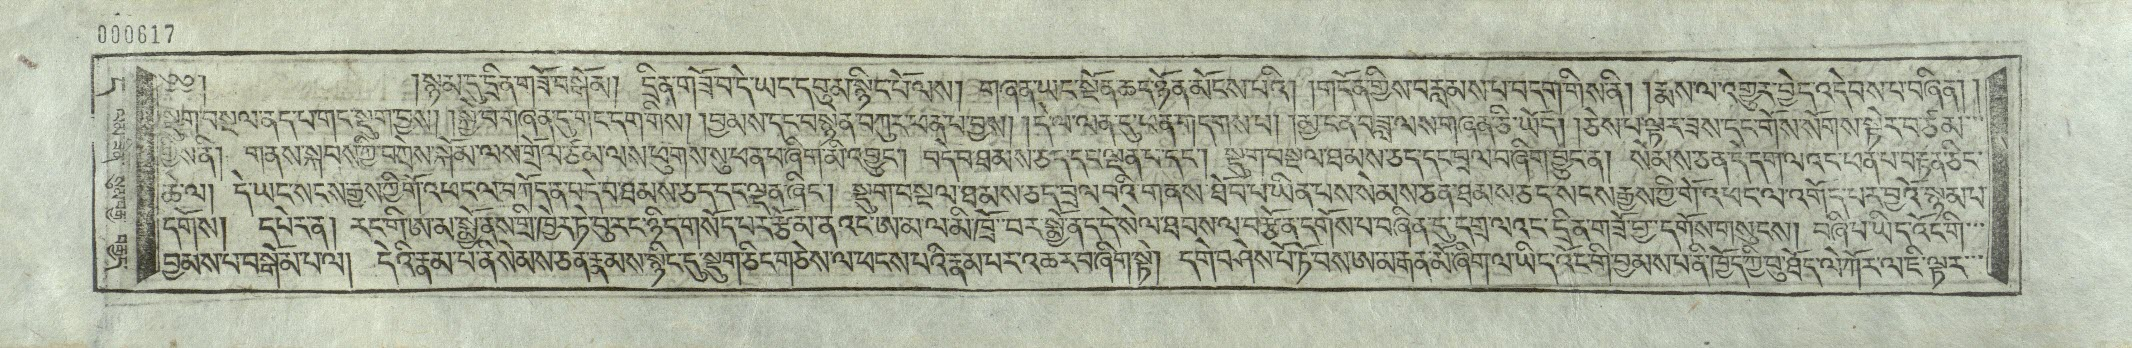༄༅། །སྙམ་དུ་དྲིན་གཟོ་བསྒོམ། དྲིན་གཟོ་བ་དེ་ཡང་དབུ་མ་སྙིང་པོ་ལས། གཞན་ཡང་སྔོན་ཆད་ཉོན་མོངས་པའི། །གདོན་གྱིས་བརླམས་པ་བདག་གིས་ནི། །རྨས་ལ་འགྱུར་བྱེད་འདེབས་པ་བཞིན། །
སྡུག་བསྔལ་ནད་པ་གང་སྡུག་བྱས། །སྐྱེ་བ་གཞན་དུ་གང་དག་གིས། །བྱམས་དང་བསྙེན་བཀུར་ཕན་པ་བྱས། །དེ་ལ་ལན་དུ་ཕན་གདགས་པ། །མྱ་ངན་བཟླ་ལས་གཞན་ཅི་ཡོད། །ཅེས་པ་ལྟར་ཟས་དང་གོས་སོགས་སྟེར་བ་ཙམ་
གྱིས་ནི། གནས་སྐབས་ཀྱི་བཀྲེས་སྐོམ་ལས་གྲོལ་ཙམ་ལས་ཕུགས་སུ་ཕན་པ་ཞིག་མི་འབྱུང་། བདེ་བ་ཐམས་ཅད་དང་ལྡན་པ་དང་། སྡུག་བསྔལ་ཐམས་ཅད་དང་བྲལ་བ་ཞིག་བྱུང་ན། སེམས་ཅན་དེ་དག་ལའང་ཕན་པ་བརྟན་ཅིང་
ཆེ་ལ། དེ་ཡང་སངས་རྒྱས་ཀྱི་གོ་འཕང་ལ་བཀོད་ན་བདེ་བ་ཐམས་ཅད་དང་ལྡན་ཞིང་། སྡུག་བསྔལ་ཐམས་ཅད་བྲལ་བའི་གནས་ཐོབ་པ་ཡིན་པས་སེམས་ཅན་ཐམས་ཅད་སངས་རྒྱས་ཀྱི་གོ་འཕང་ལ་འགོད་པར་བྱའོ་སྙམ་པ་
དགོས། དཔེར་ན། རང་གི་ཨ་མ་སྨྱོ་ནས་གྲི་ཁྱེར་ཏེ་བུ་རང་ཉིད་གསོད་པར་རྩོམ་ནའང་ཨ་མ་ལ་མི་ཁྲོ་བར་སྨྱོ་ནད་དེ་སེལ་ཐབས་ལ་བརྩོན་དགོས་པ་བཞིན་དུ་དགྲ་ལའང་དྲིན་གཟོ་བྱ་དགོས་གསུངས། བཞི་པ་ཡིད་འོང་གི་
བྱམས་པ་བསྒོམ་པ་ལ། དེའི་རྣམ་པ་ནི་སེམས་ཅན་རྣམས་སྙིང་དུ་སྡུག་ཅིང་གཅེས་ལ་ཕངས་པའི་རྣམ་པར་འཆར་བ་ཞིག་སྟེ། དགེ་བཤེས་པོ་ཏོ་བས་ཨ་མ་རྒན་མོ་ཞིག་ལ་ཡིད་འོང་གི་བྱམས་པ་ནི་ཁྱོད་ཀྱི་བུ་ཐོད་ལེ་ཀོར་ལ་ཇི་ལྟར་